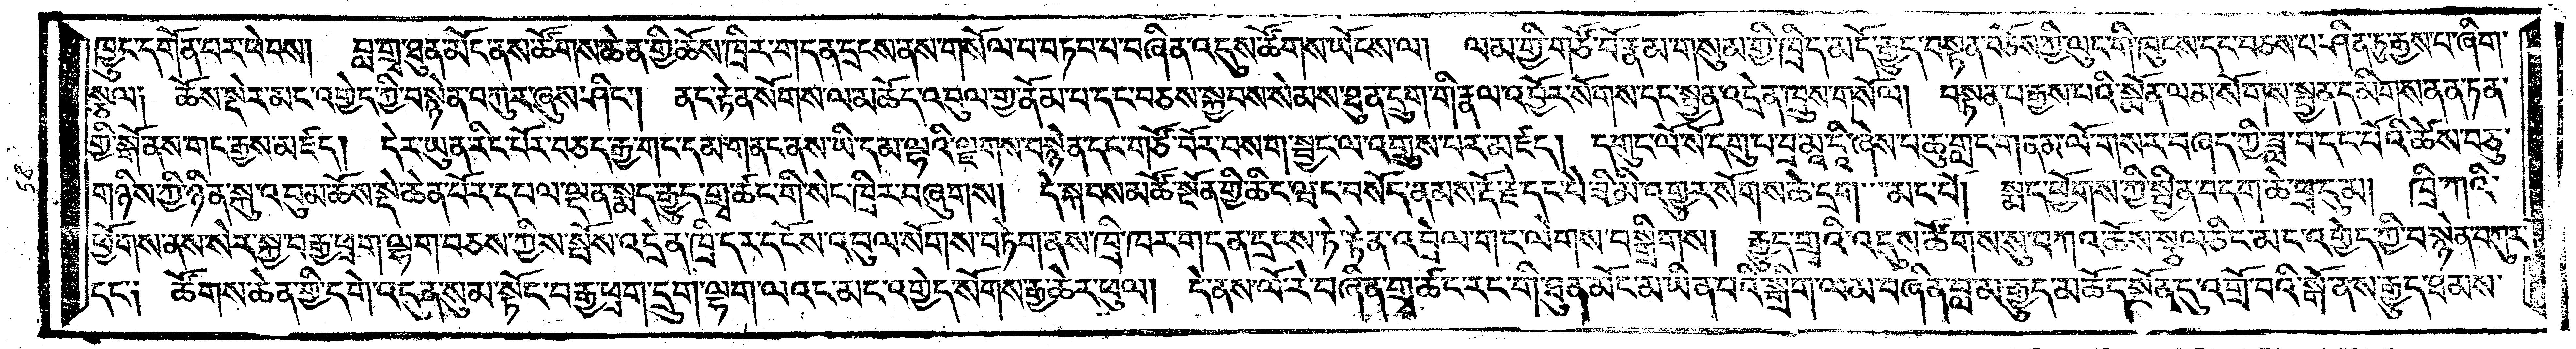ཁྱུང་དགོན་པར་ཕེབས། བླ་གྲྭ་ཐུན་མོང་ནས་ཚོགས་ཆེན་གྱི་ཆོས་ཁྲིར་གདན་དྲངས་ནས་གསོལ་བ་བཏབ་བ་བཞིན་འདུས་ཚོགས་ཡོངས་ལ། ལམ་གྱི་གཙོ་བོ་རྣམ་གསུམ་གྱི་ཁྲིད་མདོ་རྒྱུད་བསྟན་བཅོས་ཀྱི་ལུང་གི་ཁུངས་དང་བཅས་པ་ཤིན་ཏུ་རྒྱས་པ་ཞིག་
སྩལ༑ ཆོས་སྡེར་མང་འགྱེད་ཀྱི་བསྙེན་བཀུར་ཞུས་ཤིང་། ནང་རྟེན་སོགས་ལ་མཆོད་འབུལ་གྱ་ནོམ་བ་དང་བཅས་སྐྱབས་སེམས་ཐུན་དྲུག་གི་རྣལ་འབྱོར་སོགས་དང་སྤྱན་འདྲེན་ཁྲུས་གསོལ། བསྟན་བ་རྒྱས་པའི་སྨོན་ལམ་སོགས་སྤྱན་དམིགས་ནན་ཏན་
གྱི་སྒོ་ནས་གང་རྒྱས་མཛད། དེར་ཡུན་རིང་པོར་བཅད་རྒྱ་གང་དམ་གནང་ནས་ཡི་དམ་ལྷའི་ལྗགས་བསྙེན་དང་གཙོ་བོར་བསག་སྦྱང་ལ་འགྲུས་པར་མཛད། དགུང་ལོ་སོ་དགུ་པ་བྲ་མཱ་དཱི་ཞས་པ་ཆུ་གླང་གནམ་ལོ་གསར་བཞད་ཀྱི་ཟླ་བ་དང་པོའི་ཚེས་བཅུ་
གཉིས་ཀྱི་ཉིན་སྐུ་འབུམ་ཆོས་སྡེ་ཆེན་པོར་དཔལ་ལྡན་སྨད་རྒྱུད་གྲྭ་ཚང་གི་སེང་ཁྲིར་བཞུགས། དེ་སྐབས་མཚོ་སྔོན་གྱི་ཆིང་ཝང་བསོད་ནམས་རྡོ་རྗེ་དང་པཻ་ཟི་མི་འགྱུར་སོགས་ཆེ་དྲག་མང་སོ། སྨད་ཕྱོགས་ཀྱི་སྤྱིན་བདག་ཆེ་ཕྲ་དུ་མ། ཁྲི་ཀའི་
ཕྱོགས་ནས་སེར་སྐྱ་བརྒྱ་ཕྲག་ལྷག་བཅས་ཀྱིས་སྤོས་འདྲེན་ཁྲི་དར་དངོས་འབུལ་སོགས་བཏེག་ནས་ཁྲི་ཁར་གདན་དྲངས་ཏེ་རྟེན་འབྲེལ་གང་ལེགས་བསྒྲིགས། རྒྱུད་གྲྭའི་འདུས་ཚོགས་སུ་བཀའ་ཆོས་སྩལ་ཅིང་མང་འགྱེད་ཀྱི་བསྙེན་བཀུར་
དང་། ཚོགས་ཆེན་གྱི་དགེ་འདུན་སུམ་སྟོང་བརྒྱ་ཕྲག་དྲུག་ལྷག་ལའང་མང་འགྱེད་སོགས་རྒྱ་ཆེར་ཕུལ། དེ་ནས་ལོ་རེ་བཞིན་གྲྭ་ཚང་རང་གི་ཐུན་མོང་མ་ཡིན་པའི་སྒྲིག་ལམ་བཞིན་བླ་མ་རྒྱུད་མཆོད་སྔོན་དུ་འགྲོ་བའི་སྒོ་ནས་རྒྱུད་ཐམས་